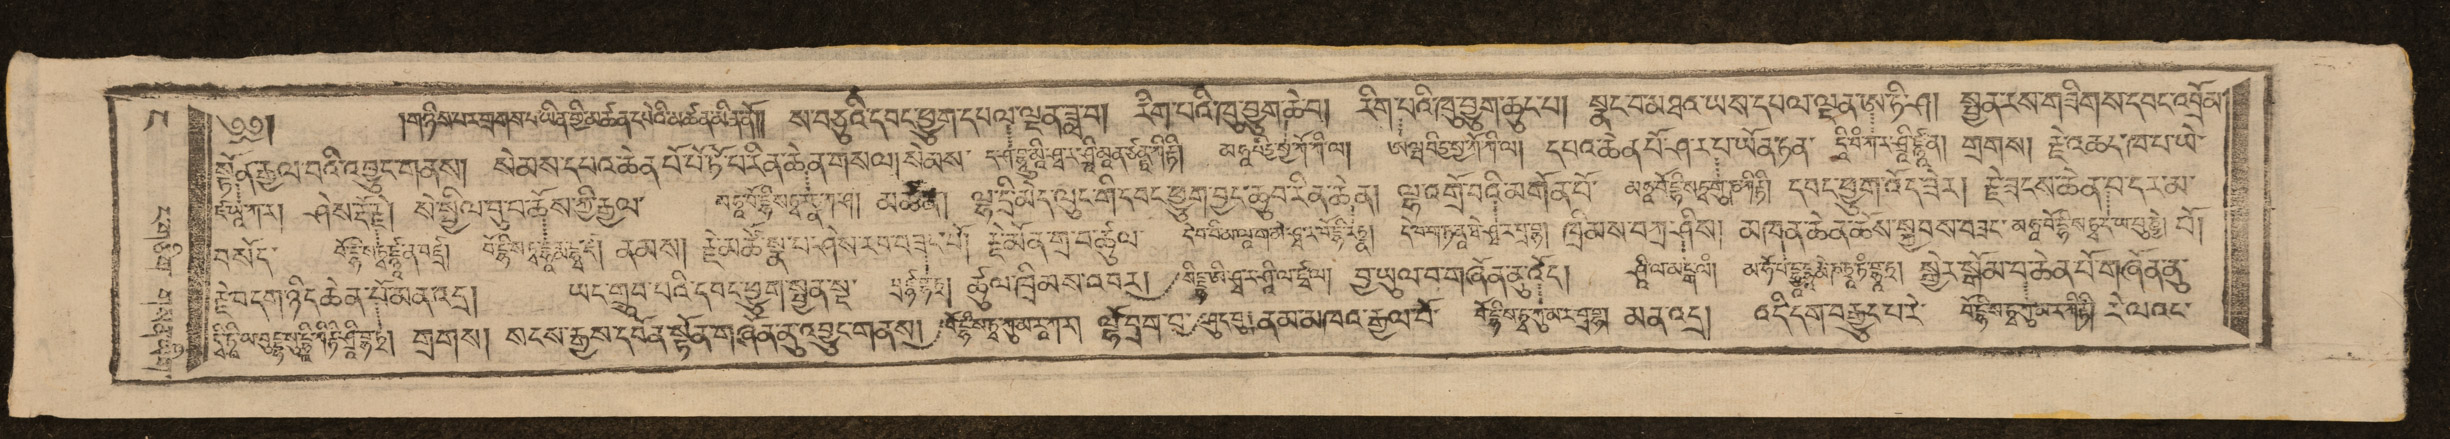༄༅། །གཉིས་པར་གྲགས་པ་ཡིན་གྱི་མཚན་པའི་མཚན་མིན་ནོ། ས་བཅུའི་དབང་ཕྱུག་དཔལ་ལྡན་ཟླ་པ། རིག་པའི་ཁུ་བྱུག་ཆེ་བ། རིག་པའི་ཁུ་བྱུག་ཆུང་པ། སྣང་པ་མཐའ་ཡས་དཔལ་ལྡན་ཨ་ཏི་ཤ། སྤྱན་རས་གཟིགས་དབང་འབྲོམ་
སྟོན་རྒྱལ་བའི་འབྱུང་གནས། སེམས་དཔའ་ཆེན་པོ་པོ་ཏོ་པ་རིན་ཆེན་གསལ། སེམས་ད་ས་དྷཱུ་མཱི་ཤྭ་ར་ཤྲཱི་མཱ་ན་ཙནྡྲ་ཀིརྟི། མཧཱ་བ་བྱ་སྱ་ཀོ་ཀི་ལ། ཨ་ཝ་བིཏྱ་སྱ་ཀོ་ཀི་ལ། དཔའ་ཆེན་པོ་ཤ་ར་བ་ཡོན་ཏན་དཱི་བཾ་ཀ་ར་ཤྲཱི་ཛྙཱ་ན། གྲགས། རྗེ་འཆད་ཁ་པ་ཡེ་
ཛ་ཡཱ་ཀ་ར། ཤེས་རྡོ་རྗེ། སེ་སྤྱིལ་བུ་པ་ཆོས་ཀྱི་རྒྱལ་མཧཱ་པོ་དྷི་སྭཱཧ་རཏྞ་ཀ་ཤ། མཚན། ལྷ་དྲི་མེད་ལུང་གི་དགའ་ཕྱུག་བྱང་ཆུབ་རིན་ཆེན། ལྷ་འགྲོ་བའི་མགོན་པོ་མཉ་བོ་དྷི་སཏྭཱ་གུ་ཎ་མི་ཏེ། དབང་ཕྱུག་འོད་ཟེར། རྗེ་ཟངས་ཆེན་པ་དར་མ་
བསོད་བོ་དྷི་སཏྭ་ཛྙཱ་ན་བཛྲ། བོ་དྷི་སཏྭ་དྷཱརྨ་རྷྭ། རྣམས། རྗེ་མཚོ་སྣ་པ་ཤེས་རབ་བཟང་པོ། རྗེ་མན་གྲུབ་ཚུལ་ད་བའི་མཱ་ག་ཤྭ་ར་བོ་བྷི་རཏྣ། དེ་བ་གཏནཱ་ཐེ་ཤྭ་ར་བྲ་བྷ། ཁྲིམས་བཀྲ་ཤིས། མཁན་ཆེན་ཆོས་སྐྱབས་བཟང་མ་ཧཱ་པོ་དྷིས་ཏྭར་ལ་བུ་ནྱེ། བོ་
རྗེ་བདག་ཉིད་ཆེན་པོ་མན་འདྲ། ཡང་གྲུབ་པའི་དབང་ཕྱུག་སྤྱན་སྔ་པྲཛྙ་བྷ་དྲ། ཚུལ་ཁྲིམས་འབར། སིདྡྷ་མི་ཤཱར་ཤཱི་ལ་ཛྭ་པ། བྱ་ཡུལ་བ་གཞོན་ནུ་འོང་། ཤཱ་ལ་མངྒ་ལཾ། མ་ཧོ་པ་དྷྱའ་དྷཱ་རྨེ་ཎ་ཏྲཱ་ཏཾ་བྷཱ་ཏྲ། སྒྱེར་སྒོམ་པ་ཆེན་པོ་གཞོན་ནུ་
དྭི་ཏཱི་ཡ་བུདྡྷ་སུདྷཱི་གི་རྟི་ཤྲཱི་བྷ་ཏྲ། གྲགས། སངས་རྒྱས་དབོན་སྟོན་གཞོན་ནུ་འབྱུང་གནས། བོ་དྷི་ས་ཏཱ་ཀུ་མ་རཱ་ཀ་ར། ལྷོ་བྲག་པ་ཤུང་བུ། ནམ་མཁའ་རྒྱལ་པོ་བོ་དྷི་སཏྭ་ཀུ་མར་བཱ་བྷ། མན་འདྲ། འདི་དག་བརྒྱུད་པ་རེ་བོདྷི་སཏྭ་ཀུ་མ་ར་ཀི་རྟི། རེ་ལའང་